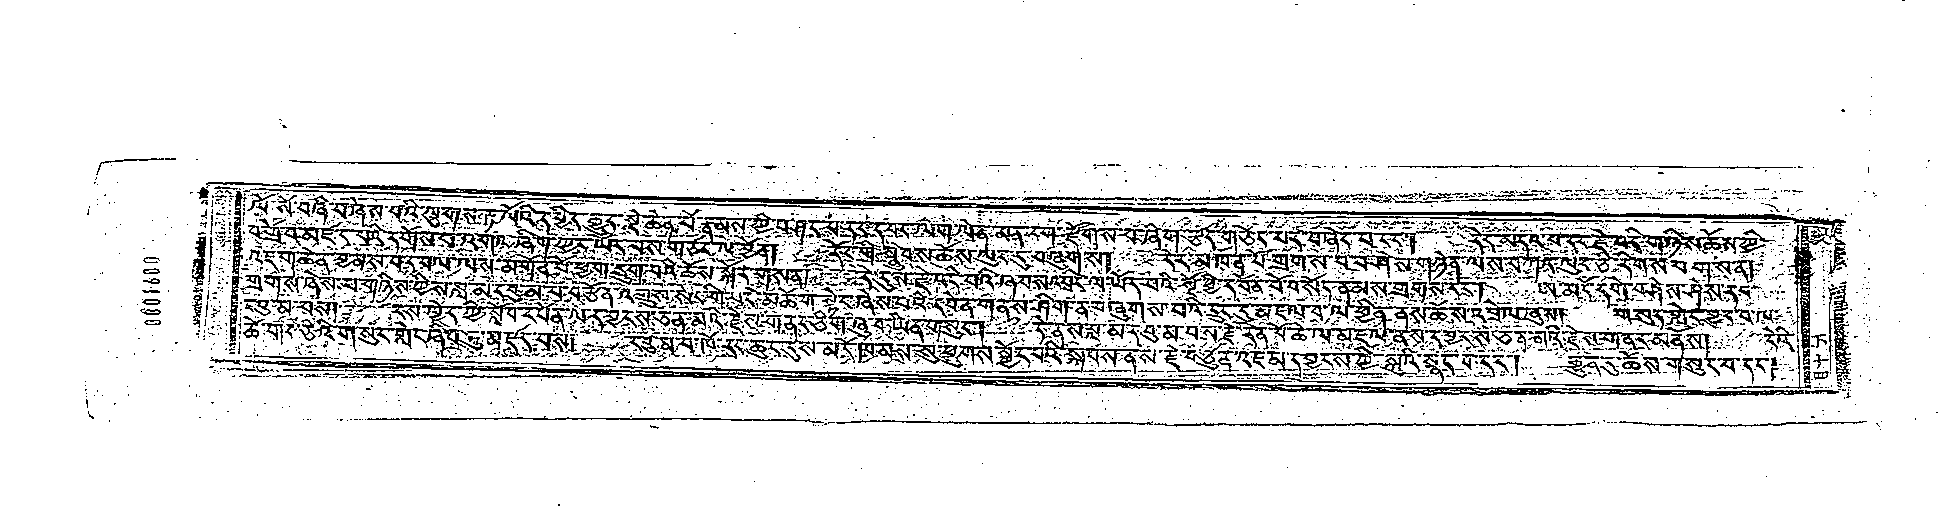ལོ་སོ་བཞི་བཞེས་པའི་ལྕགས་རྟ་ལོའི་དཔྱིད་རྒྱུད་སྡེ་ཆེན་པོ་རྣམས་ཀྱི་བཤད་པ་དང་དབང་ལག་ལེན་མན་ངག་རྫོགས་པ་ཞིག་རྩད་གཅོད་པར་བཞེད་པ་དང་། རེད་མདའ་པ་དང་རྗེ་འདི་གཉིས་ཆོས་ཀྱི་
བགྲོ་བ་མཛད་པའི་དགོས་པ་འགའ་ཞིག་ཀྱང་ཡོད་པས་གཙང་ལ་བྱོན། རོང་གི་སྣུབས་ཆོས་ལུང་དུ་བཞུགས། དེར་མཁན་པོ་གྲགས་པ་བཤེས་གཉེན་ལས་བཀའ་ལུང་ཅི་རིགས་བགས་ན།
འཇག་ཆེན་བྱམས་པ་དཔལ་ལས་མགོན་པོ་ཕྱག་དྲུག་བའི་ཆོས་སྐོར་གསན། དེ་དུས་རྗེ་འདི་པའི་ཞབས་འབྲིང་ལ་ཡོད་པའི་སྔོ་ཕྱི་དཔོན་པོ་བསོད་ནམས་གྲགས་དང་། ཨ་མདོ་དགེ་བཤེས་ཤེས་རབ་
གྲགས་ཞེས་པ་གཉིས་ཀྱིས་བླ་མ་དབུ་མ་པ་བརྩོན་འགྲུས་སེང་གི་བདེ་མཆོག་སྟེང་ཞེས་པའི་དབེན་གནས་ཤིག་ན་བཞུགས་བའི་དྲུང་དུ་མཇལ་བ་ལ་ཕྱིན་ནས་ཆོས་འབྲེལ་ཞུས། གསུང་གླེང་བྱུང་བ་ལ་
དབུ་མ་བས། ངས་ཁྱེད་ཀྱི་སློབ་དཔོན་ལ་དབྱངས་ཅན་མའི་རྗེས་གནང་ཅིག་ཞུ་བ་ཡིན་གསུང་། དེ་ནས་བླ་མ་དབུ་མ་བས་རྗེ་རིན་པོ་ཆེ་ལ་མཇལ་ནས་དབྱངས་ཅན་མའི་རྗེས་གནང་མནོས། དེའི་
ཆོ་གང་ཅིའི་གསུང་གླེང་ཞིབ་ཏུ་མཛད་པས། དབུ་མ་བ་ཁོ་རང་ཆུང་དུས་མདོ་ཁམས་སུ་ཕྱུགས་སྐྱོང་བའི་སྐབས་ནས་རྗེ་བཙུན་འཇམ་དབྱངས་ཀྱི་སྐུའི་སྣང་བ་དང་། རྒྱུན་དུ་ཆོས་གསུང་བ་།དང་།